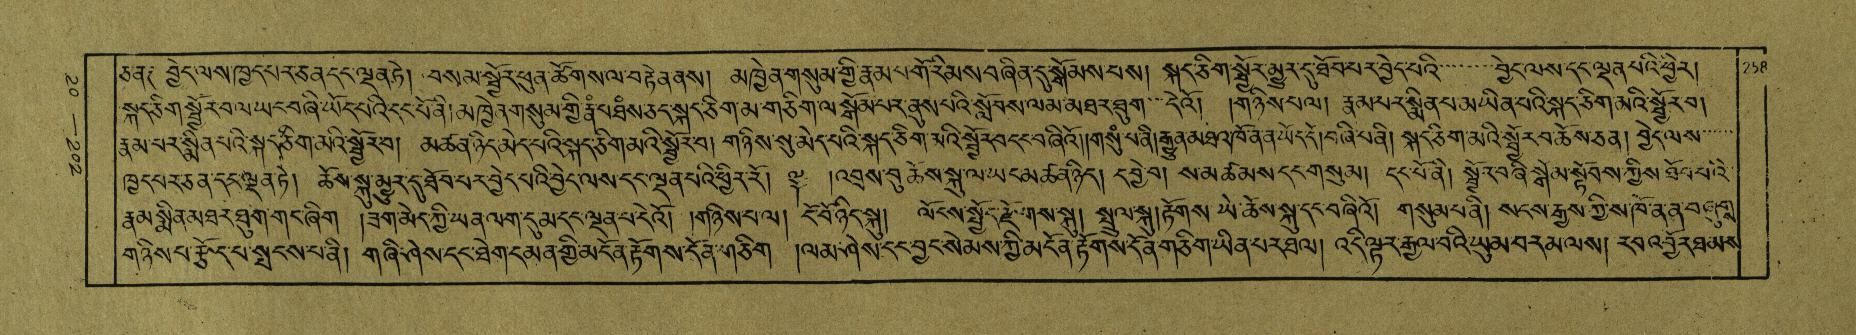ཅན༑ བྱེད་ལས་ཁྱད་པར་ཅན་དང་ལྡན་ཏེ། བསམ་སྦྱོར་ཕུན་ཚོགས་ལ་བརྟེན་ནས། མཁྱེན་གསུམ་གྱི་རྣམ་པ་གོ་རིམས་བཞིན་དུ་སྒོམས་པས། སྐད་ཅིག་སྦྱོར་མྱུར་དུ་ཐོབ་པར་བྱེད་པའི་བྱེད་ལས་དང་ལྡན་པའི་ཕྱིར།
སྐད་ཅིག་སྦྱོར་བ་ལ་ཡང་བཞི་ཡོད་པའི་དང་པོ་ནི། མཁྱེན་གསུམ་གྱི་རྣཾ་པ་ཐཾས་ཅད་སྐད་ཅིག་མ་གཅིག་ལ་སྒོམ་པར་ནུས་པའི་སློབས་ལམ་མཐར་ཐུག་དེའོ། །གཉིས་པ་ལ། རྣམ་པར་སྨིན་པ་མ་ཡིན་པའི་སྐད་ཅིག་མའི་སྦྱོར་བ།
རྣམ་པར་སྨིན་པའི་སྐད་ཅིག་མའི་སྦྱོར་བ། མཚན་ཉིད་མེད་པའི་སྐད་ཅིག་མའི་སྦྱོར་བ། གཉིས་སུ་མེད་པའི་སྐད་ཅིག་མའི་སྦྱོར་བ་དང་བཞིའོ། །གསུཾ་པ་ནི། རྒྱུན་མཐའ་ཁོ་ན་ན་ཡོད་དོ། བཞི་པ་ནི། སྐད་ཅིག་མའི་སྦྱོར་བ་ཆོས་ཅན། བྱེད་ལས་
ཁྱད་པར་ཅན་དང་ལྡན་ཏེ། ཆོས་སྐུ་མྱུར་དུ་ཐོབ་པར་བྱེད་པའི་བྱེད་ལས་དང་ལྡན་པའི་ཕྱིར་རོ། འ་།འབྲས་བུ་ཆོས་སྐུ་ལ་ཡང་མཚན་ཉིད། དབྱེ་བ། ས་མཚམས་དང་གསུམ། དང་པོ་ནི། སྦྱོར་བཞི་སྒོམ་སྟོབས་ཀྱིས་ཐོབ་པའི་
རྣམ་སྨིན་མཐར་ཐུག་གང་ཞིག །ཟག་མེད་ཀྱི་ཡན་ལག་དུ་མ་དང་ལྡན་པ་དེའོ། །གཉིས་པ་ལ། ངོ་བོ་ཉིད་སྐུ། ལོངས་སྤྱོད་རྫོགས་སྐུ། སྤྲུལ་སྐུ། རྟོགས་ཡེ་ཆོས་སྐུ་དང་བཞིའོ། གསུམ་པ་ནི། སངས་རྒྱས་ཀྱི་ས་ཁོ་ན་བཞུགས་
གཉིས་པ་རྩོད་པ་སྤངས་པ་ནི། གཞི་ཤེས་དང་ཐེག་དམན་གྱི་མངོན་རྟོགས་དོན་གཅིག །ལམ་ཤེས་དང་བྱང་སེམས་ཀྱི་མངོན་རྟོགས་དོན་གཅིག་ཡིན་པར་ཐལ། འདི་ལྟར་རྒྱལ་བའི་ཡུམ་བར་མ་ལས། རབ་འབྱོར་ཐམས་